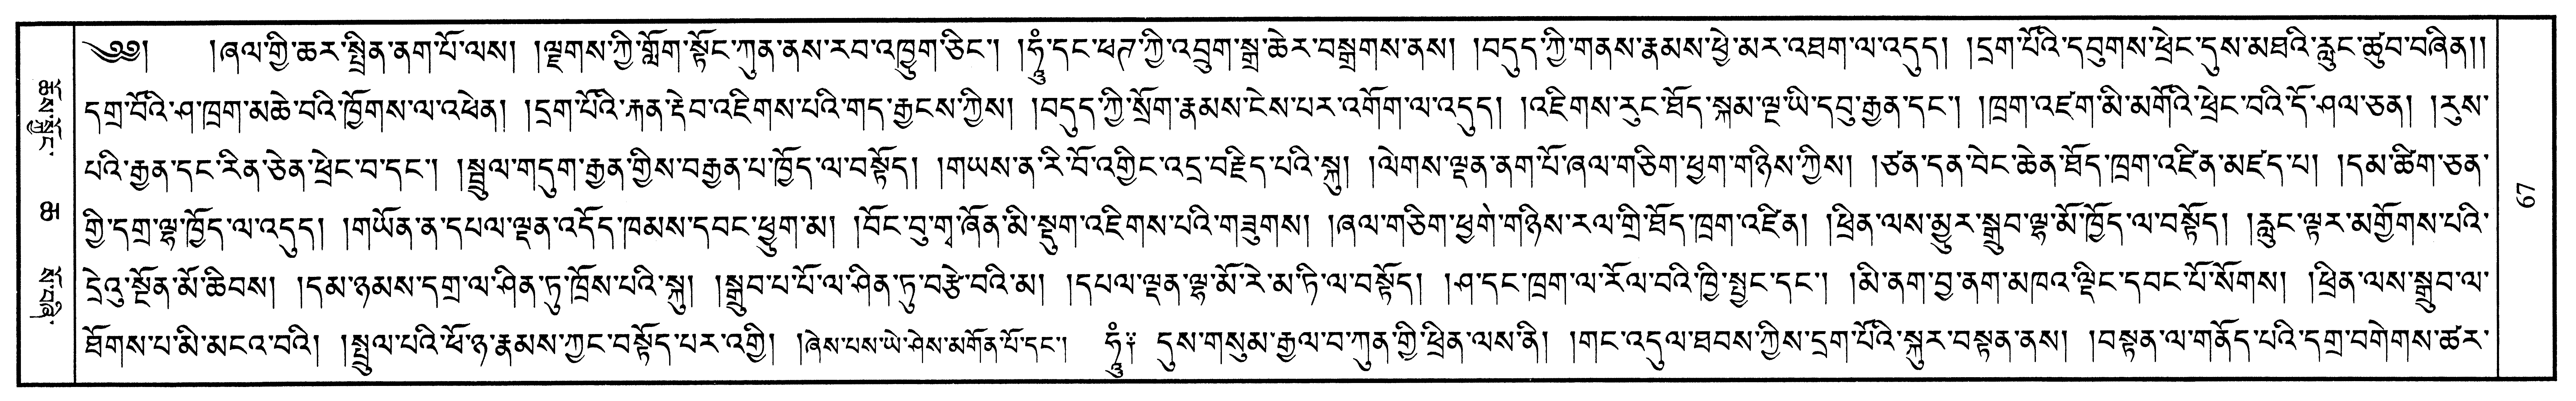༄༅། །ཞལ་གྱི་ཆར་སྤྲིན་ནག་པོ་ལས། །ལྗགས་ཀྱི་གློག་སྟོང་ཀུན་ནས་རབ་འཁྱུག་ཅིང་། །ཧཱུཾ་དང་ཕཊ་ཀྱི་འབྲུག་སྒྲ་ཆེར་བསྒྲགས་ནས། །བདུད་ཀྱི་གནས་རྣམས་ཕྱེ་མར་འཐག་ལ་འདུད། །དྲག་པོའི་དབུགས་ཕྲེང་དུ་མཐའི་རླུང་ཚུབ་བཞིན།།
དགྲ་བོའི་ཤ་ཁྲག་མཆེ་བའི་ཁྱོགས་ལ་འཕེན། །དྲག་པོའི་རྐན་རྡེབ་འཇིགས་པའི་གད་རྒྱངས་ཀྱིས། །བདུད་ཀྱི་སྲོག་རྣམས་ངེས་པར་འགོག་ལ་འདུད། །འཇིགས་རུང་ཐོད་སྐམ་ལྔ་ཡི་དབུ་རྒྱན་དང་། །ཁྲག་འཛག་མི་མགོའི་ཕྲེང་བའི་དོ་ཤལ་ཅན། །རུས་
པའི་རྒྱན་དང་རིན་ཅེན་ཕྲེང་བ་དང་། །སྦྲུལ་གདུག་རྒྱན་གྱིས་བརྒྱན་པ་ཁྱོད་ལ་བསྟོད། །གཡས་ན་རི་བོ་འགྱིང་འདྲ་བརྗིད་པའི་སྐུ། །ལེགས་ལྡན་ནག་པོ་ཞལ་གཅིག་ཕྱག་གཉིས་ཀྱིས། །ཙན་དན་བེང་ཆེན་ཐོད་ཁྲག་འཛིན་མཛད་པ། །དམ་ཚིག་ཅན་
གྱི་དགྲ་ལྷ་ཁྱོད་ལ་འདུད། །གཡོན་ན་དཔལ་ལྡན་འདོད་ཁམས་དབང་ཕྱུག་མ། །བོང་བུ་གྭ་ཞོན་མི་སྡུག་འཇིགས་པའི་གཟུགས། །ཞལ་གཅིག་ཕྱག་གཉིས་རལ་གྲི་ཐོད་ཁྲག་འཛིན། །ཕྲིན་ལས་མྱུར་སྒྲུབ་ལྷ་མོ་ཁྱོད་ལ་བསྟོད། །རླུང་ལྟར་མགྱོགས་པའི་
དྲེའུ་སྔོན་མོ་ཆིབས། །དམ་ཉམས་དགྲ་ལ་ཤིན་ཏུ་ཁྲོས་པའི་སྐུ། །སྒྲུབ་པ་པོ་ལ་ཤིན་ཏུ་བརྩེ་བའི་མ། །དཔལ་ལྡན་ལྷ་མོ་རེ་མ་ཏི་ལ་བསྟོད། །ཤ་དང་ཁྲག་ལ་རོལ་བའི་ཁྱི་སྤྱང་དང་། མི་ནག་བྱ་ནག་མཁའི་ལྡིང་དབང་པོ་སོགས། །ཕྲིན་ལས་སྒྲུབ་ལ་
ཐོགས་པ་མི་མངའ་བའི། །སྤྲུལ་པའི་ཕོ་ཉ་རྣམས་ཀྱང་བསྟོད་པར་འགྱི། །ཞེས་པས་ཡེ་ཤེས་མགོན་པོ་དང་། ཧཱུཾ། དུས་གསུམ་རྒྱལ་བ་ཀུན་གྱི་ཕྲིན་ལས་ནི། །གང་འདུལ་ཐབས་ཀྱིས་དྲག་པོའི་སྐུར་བསྟན་ནས། །བསྟན་ལ་གནོད་པའི་དགྲ་བགེགས་ཚར་